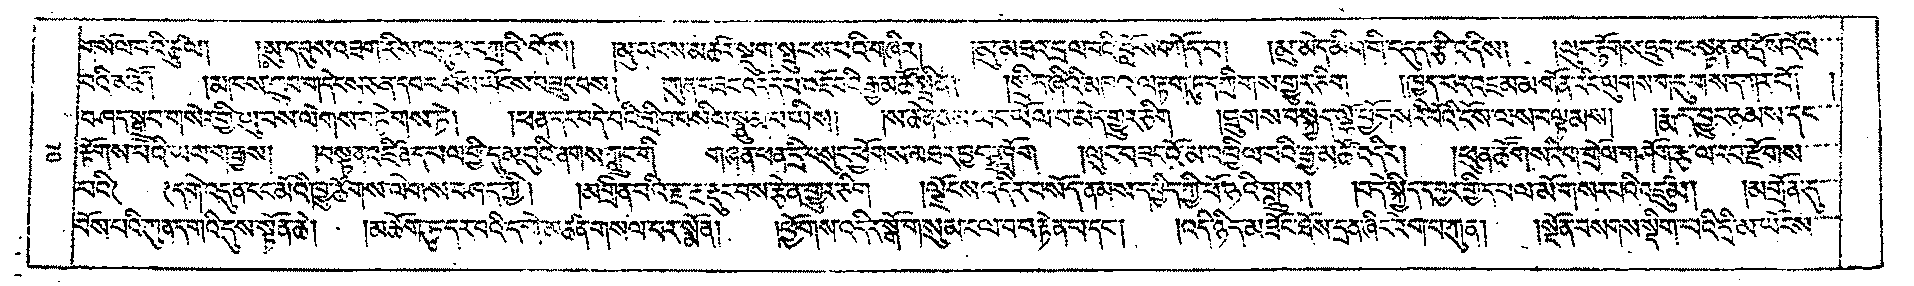གསོལ་བའི་ཚུལ། །མུ་དབུས་འཐག་རིས་འབུམ་བཀྲའི་གོས། །མུ་ཡངས་མཚར་སྡུག་སྤུངས་པའི་གཞིར། །མུ་མཐའ་བྲལ་བའི་བློས་བཀོད་པ། །མུ་མེད་མིག་གི་བདུད་རྩི་འདིས། །ལུང་རྟོགས་ཐུབ་བསྟན་མ་དྲོས་རོལ་
པའི་མཚོ། །མཁས་གྲུབ་གདེངས་ཅན་དབང་པོས་ཡོངས་བཟུང་བས། །ཀུན་བཟང་འདོད་པ་འཇོ་བའི་རྒྱ་མཚོ་སྤྲིན། །སྲིད་ཞིའི་མཁའ་ལ་རྟག་ཏུ་དཀྲིགས་གྱུར་ཅིག །ཁྱད་པར་འཇམ་མགོན་རིང་ལུགས་གདུགས་དཀར་པོ། །
བཤད་སྒྲུབ་གསེར་གྱི་ཡུ་བས་ལེགས་བཏེགས་ཏེ། །ཕན་དང་བདེ་བའི་གྲིབ་བསིལ་སྣུམ་པ་ཡིས། །ས་ཆེན་ནམ་ཡང་ཡོལ་པ་མེད་གྱུར་ཅིག །ཐུགས་བསྐྱེད་ལྷོ་ཕྱོགས་རི་བོའི་ངོས་ལས་བལྟམས། །རྨད་བྱུང་ཉམས་དང་
རྟོགས་པའི་ཡལ་ག་རྒྱས། །བསྟན་འཛིན་དཔལ་གྱི་དུམ་བུའི་ནགས་ཀླུང་གི །གཞན་ཕན་དྲི་བསུང་ཕྱོགས་མཐར་ཁྱབ་པས་ཤོག །ལུང་བཟང་འོ་མ་འཁྱིལ་བའི་རྒྱ་མཚོ་འདིར། །ཕུན་ཚོགས་རིག་གྲོལ་གཤོག་རྩལ་རབ་རྫོགས་
པའི། །དགེ་འདུན་ངང་མོའི་ཁྱུ་ཚོགས་ལེགས་བཤད་ཀྱི། །མགྲིན་པའི་རྫ་རྔ་རྡུང་བས་རྩེན་གྱུར་ཅིག །ལྗོངས་འདིར་བསོད་ནམས་དཔྱིད་ཀྱི་ཕོ་ཉའི་གླུས། །བདེ་སྐྱིད་དབྱར་གྱི་དཔལ་མོ་གསར་པའི་འཛུམ། །མགྲོན་དུ་
བོས་པའི་ཀུན་དགའི་དུས་སྟོན་ཆེ། །མཆོག་ཏུ་དར་བའི་དགེ་མཚན་གསལ་བར་སྨོན། །ཕྱོགས་འདིར་སྒོ་གསུམ་ངལ་བ་བརྟེན་པ་དང་། །འདི་ཉིད་མཐོང་ཐོས་དྲན་ཞིང་རེག་པ་ཀུན། །སྔོན་བསགས་སྡིག་པའི་དྲི་མ་ཡོངས་